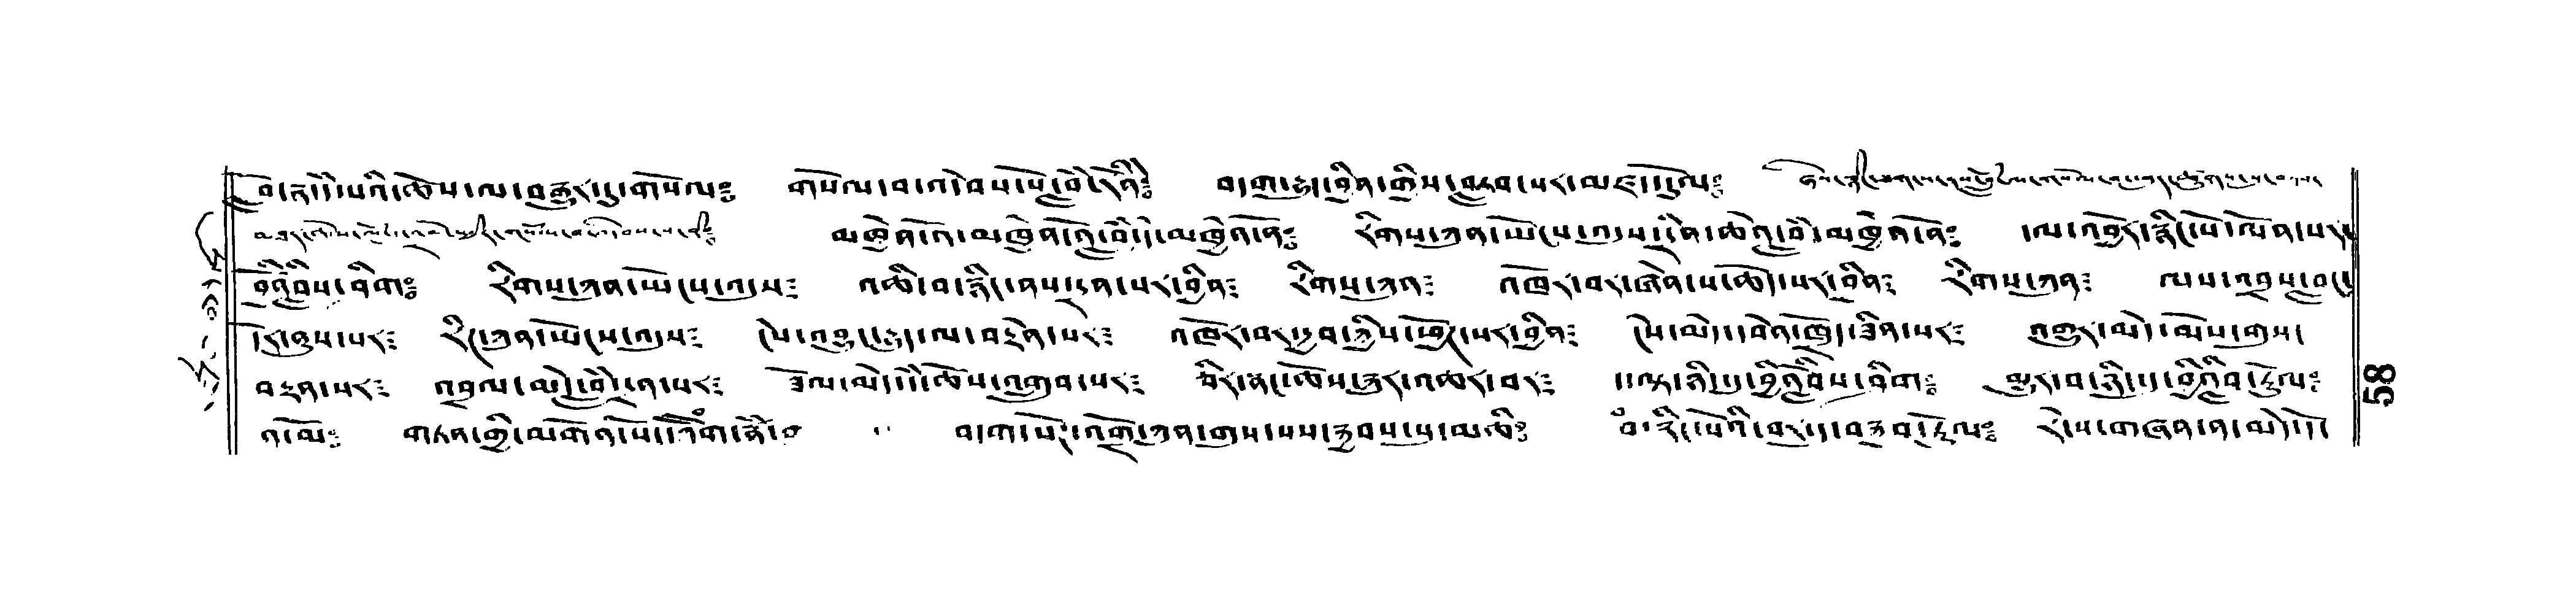བློ་སྣ་དམ་པའི་ཆོས་ལ་བསྒྱུར་དུ་གསོལ༔ གསོལ་བ་འདེབས་སོ་བླ་མ་རིན་པོ་ཆེ༔ བདག་རྒྱུད་བྱིན་གྱིས་བརླབ་པར་མཛད་དུ་གསོལ༔ ཞེས་སྙིང་ཐག་པ་ནས་བླ་མ་ལ་གསོལ་བ་ཕུར་ཚུགས་སུ་གདབ༔ 
མཐར་ཆོས་ལམ་དུ་འགྲོ་ཕྱིར་གསོལ་བ་འདེབས་པ་ནི༔ མཁྱེན་ནོ་མཁྱེན་ནོ་བླ་མ་དེ་མཁྱེན་ནོ༔ རིགས་ཀུན་ཡོངས་འདུས་དྲིན་ཆེན་བླ་མ་མཁྱེན་ནོ༔ དལ་འབྱོར་སྙིང་པོ་ལོན་པར་
བྱིན་གྱིས་རློབས་ཤིག༔ རིགས་ཀུན་ཡོངས་འདུས༴ འཆི་བ་སྙིང་ནས་དྲན་པར་བྱིན༴ རིགས་ཀུན༴ འཁོར་བར་ཞེན་པ་ཆོད་པར་བྱིན༴ རིགས་ཀུན༴ ལས་འབྲས་བླང་
དོར་ནུས་པར༴ རིགས་ཀུན་ཡོངས་འདུས༴ ངེས་འབྱུང་རྒྱུད་ལ་བརྟན་པར༴ འཁོར་བར་རྒྱབ་ཀྱིས་ཕྱོགས་པར་བྱིན༴ ངེས་མེད་དབེན་ཁྲོད་ཟིན་པར༴འགྱུར་མེད་མོས་གུས་
བརྟན་པར༴ འབྲལ་མེད་བླ་མ་དྲན་པར༴ ཟོལ་མེད་དམ་ཆོས་འགྲུབ་པར༴ ཅིར་སྣང་ཆོས་སྐུར་འཆར་བར༴ ད་ལྟ་ཉིད་དུ་བྱིན་གྱིས་རློབས་ཤིག༔ མྱུར་བ་ཉིད་དུ་བྱིན་གྱིས་བརླབ་ཏུ་གསོལ༔ 
ན་མོ༔ གཏན་གྱི་མགོན་པོ་དཀོན་མཆོག་རྣམ་གསུམ་ལ༔ བདག་སོགས་འགྲོ་ཀུན་གུས་པས་སྐྱབས་སུ་མཆི༔ བྱང་ཆུབ་སྙིང་པོའི་བར་དུ་བསྐྱབ་ཏུ་གསོལ༔ རེ་ས་གཞན་ན་མེད་དོ་